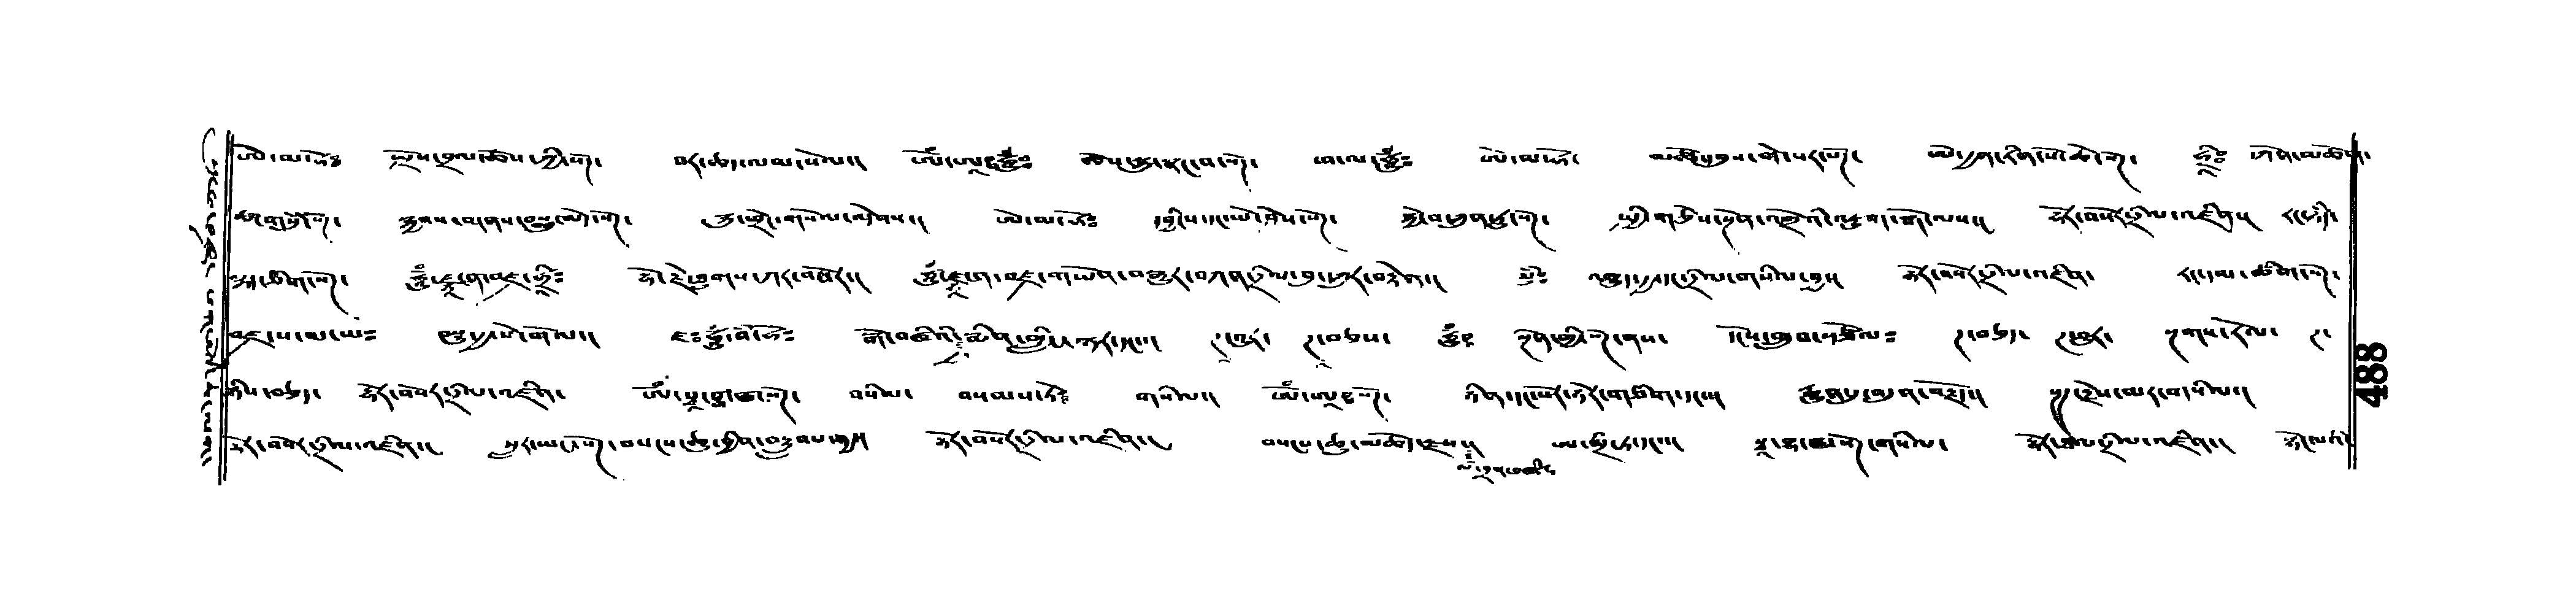ཨེ་མ་ཧོཿ སྤྲོས་བྲལ་ཆོས་ཀྱི་སོགས། བར་ཆད་ལམ་སེལ། ཨོཾ་ཨཱཿཧཱུྃ༔ ཆོས་སྐུ་སྣང་བ་སོགས། ཕ་ལ་ཧཱུྃ༔ ཨེ་མ་ཧོ། མཚོ་དབུས་གེ་སར་སོགས། ཨོ་རྒྱན་རིན་པོ་ཆེ་སོགས། ཧྲཱིཿ དཀོན་མཆོག་
ཙ་གསུམ་སོགས། སྐྱབས་གནས་བསླུ་མེད་སོགས། སྐུ་ཕྲེང་གསོལ་འདེབས། ཨེ་མ་ཧོཿ དབྱིངས་དང་ཡེ་ཤེས་སོགས། སྐྱེ་བ་ཀུན་ཏུ་སོགས།སྤྱི་གཅེས་སྔོན་འགྲོའི་འཇུག་སྒོ་ལས། རྡོར་གསོར་དྲིལ་འཛིན། རང་ཉིད་
སྐད་ཅིག་སོགས། ཧཱུྃ་ཛྙཱ་ན་བཛྲ་ཧྲཱིཿ རྡོ་རྗེ་ཐུགས་ཀར་གསོར། ཧཱུྃ་ཛྙཱ་ན་བཛྲ་གཡོན་བསྒྱུར་བཀན། དྲིལ་བུ་དཀུར་བརྟེན། མུྃ༔ འཁྱུད་རྒྱ་དང་དྲིལ་གསིལ་བྱ། རྡོར་གསོར་དྲིལ་འཛིན། རང་དམ་ཚིག་སོགས། 
བཛྲ་ས་མ་ཡ༔ བསྡུ་རྒྱ་སེ་གོལ། ཛཿཧཱུྃ་བཾ་ཧོཿ སྒོ་བཞིའི་རྒྱ་སྨིན་གླིང་ལྟར་དང་། ཌཱ་འུར། ཌཱ་བཅས། ཧཱུྃ༔ སྔོན་གྱི་སོགས་ནས། དངོས་གྲུབ་སྩོལ༔ ཌཱ་བཅད། ཌཱ་འུར། སྔགས་རོལ། ཌཱ་
ཉིས་བཅད། རྡོར་གསོར་དྲིལ་འཛིན། ཨོཾ་སྭ་བྷ་ཝ་སོགས། བསིལ། བསམས་ཏེ༔ གསིལ། ཨོཾ་ཨཱཿ སོགས། ཉིན་དང་པོར་ཉེར་གཅིག་དང་། རྒྱུན་དུ་བདུན་བརྗོད། སྔགས་རྗེས་མར་གསིལ། 
རྡོར་གསོར་དྲིལ་འཛིན། སླར་ཡང་སོགས་བསང་ཆུ་བྱིན་བརླབས་བྱ། རྡོར་གསོར་དྲིལ་འཛིན། བསང་ཆུ་མཆོད་རྫས། ཨ་མྲྀ་ཏ་དང་། སྭཱ་བྷ་ཝ་སོགས་གསིལ། རྡོར་ཐལ་དྲིལ་འཛིན། སྟོང་པའི་